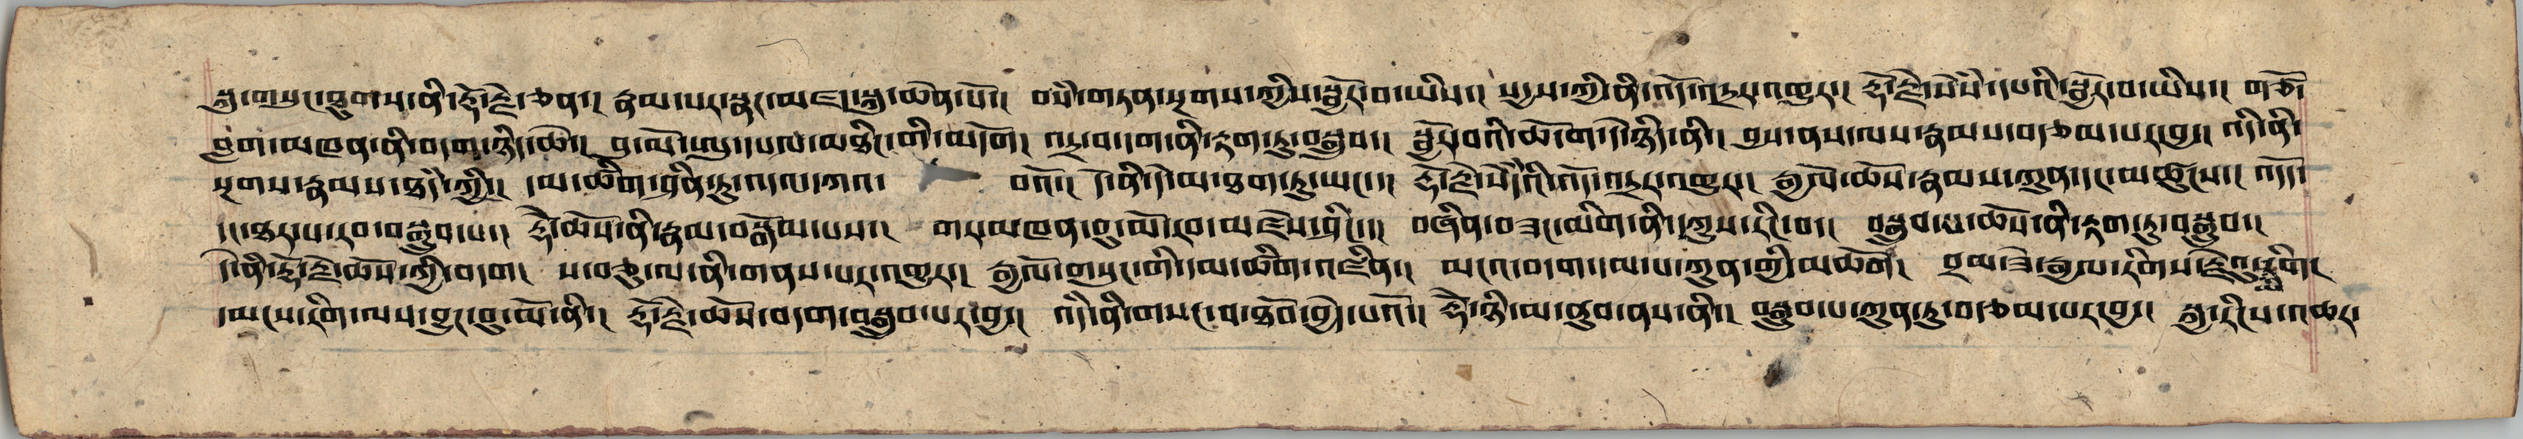སྐུ་གསུང་ཐུགས་ནི་རྡོ་རྗེ་ཅན་། རྣམ་པར་སྣང་མཛད་སྐུ་ཆེན་པོ་། བསཾ་གཏན་སྔགས་ཀྱིས་སྦྱོར་བ་ཡིས་། སདྱས་ཀྱི་ནི་འོད་འདྲར་འགྱུར་། རྡོ་རྗེ་སེཾས་དཔའི་སྦྱོར་བ་ཡིས་། གཙོ་
བླག་མཁན་ནི་བདག་ཉིད་ཆེ་། བུ་མོ་ཨུ་དཔལ་མཐིང་གི་མདོག། འདྲ་བ་དག་ནི་རྟག་ཏུ་བསྒྲུབ་། སྦྱོར་བའི་ཆོ་ག་དེ་ཉིད་ནི་། བྱས་ནས་ལས་རྣམས་བརྩམ་པར་བྱ་། འདི་ནི་
སྔགས་རྣམས་ཐཾད་ཀྱི་། དམ་ཚིག་ཤིན་ཏུ་འདས་དཀའ་ བའོ་། དེ་ནི་དེ་མ་ཐག་ཏུ་ཡང་་། རྡོ་རྗེ་སེདཾའི་འོད་འདྲར་འགྱུར་། རྒྱལོ་ཆོས་རྣམས་ཀུན་དང་མཚུངས་། འདོད་
དང་ཐར་པ་རབ་བསྒྲུབ་པ་། རྡོེ་ཆོས་ནི་རྣམ་བསྒོམ་པས་། གར་མཁན་བུ་མོ་རབ་མཛེས་ཤིང་་། བཞིན་བཟང་མིག་ནི་དཀྱུས་རིང་བ་། བསྒྲུབ་པ་ཆོས་ནི་རྟག་ཏུ་བསྒྲུབ་།
དེ་ནི་རྡོ་རྗེ་ཆོས་ཀྱི་བདག་། ས་བཅུ་ལ་ནི་གནས་པར་འགྱུར་། རྒྱལོ་གསུང་གི་དམ་ཆིག་འཛིན་། མངའ་བདག་དམ་པ་ཀུན་གྱི་མཆོག། བྲམ་ཟེ་རྒྱལ་རིགས་རྗེའུ་རིག།
དམངས་རིག་ལས་བྱུང་བུ་མོ་ནི་། རྡོ་རྗེ་ཆོས་བདག་བསྒྲུབ་པར་བྱ་། འདི་ནི་གསང་བ་ཐོབ་བྱེད་པའོ་། རྡོེ་ཉི་མ་ནུབ་ནས་ནི་། བསྒྲུབ་པ་ཀུན་ཏུ་བརྩམ་པར་བྱ་། སྐྱ་རིངས་འཆར་